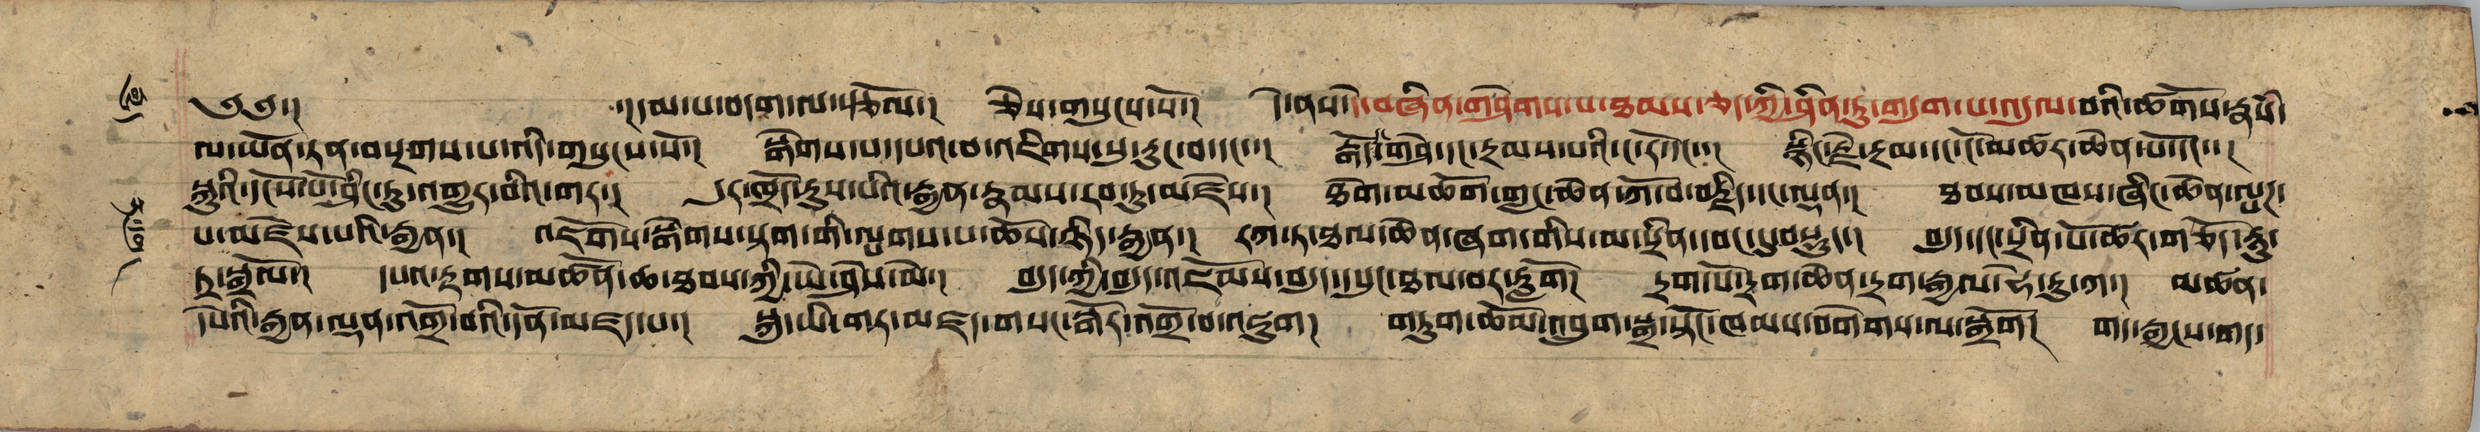༄༅་། ་།དམ་པ་བདག་ལ་སྩོལ་། ཅེས་གསུངས་སོ་། དེ་ནས་དེ་བཞིན་གཤེགས་པ་ཐམས་ཅད་ཀྱི་ཤིན་ཏུ་གདུག་པ་འདུལ་བའི་ཚོགས་རྣཾས་
ལ་ཡོན་ཏན་བསྔགས་པ་འདི་གསུངས་སོ་། སྒེགས་པ་དཔའ་བ་འཇིགས་སུ་རུང་བ་དང་་། རྒོད་དང་གཤེ་དང་རྔམས་པའི་ང་རོ་དང་་། སྙིང་རྗེ་རྔམ་དང་ངོ་མཚར་ཆེན་པོ་དང་་།
སྐུའི་དངོས་པོ་ཤིང་ཏུ་འགྱུར་བའི་གར་། དུར་ཁྲོད་རུས་པའི་རྒྱན་རྣམས་རབ་ཏུ་མཛེས་། ཐེག་མཆོག་གླང་ཆེན་ཀོ་བ་བརྗིད་དང་ལྡན་། ཐབས་མཁས་ཞིང་ཆེན་ལྤཌ་
པ་མཛེས་པའི་རྒྱན་། འཇོགས་སྒེགས་སྟག་གི་ལྤགས་པ་ཆོས་ཉིད་རྒྱན་། རཀ་ཏ་ཐལ་ཆེན་ཞག་གིས་མ་སྲིན་དབང་དུ་བསྡུ་། བདུད་དང་སྲིན་པོ་ཚར་གཅོད་ཉུ་
ཏྲ་སྒྲོལ་། དཔའ་རྟགས་མཚོན་ཆ་ཐབས་ཀྱི་ཡེ་ཤེས་མེ་། བདུད་ཀྱི་བདུད་འཇོམས་བདུད་དཔུང་ཐལ་བར་རློག། དྲག་པོ་དྲག་ཆེན་དྲག་རྒྱལ་ཧེ་རུ་ཀ་། མཚན་
དཔེའི་རྒྱན་ལྡན་འགྲོ་བའི་དོན་མཛད་པ་། སྐུ་ཡི་གར་མཛད་གསང་སྒོར་འགྲོ་བ་འཇུག། གཏུག་ཆོམ་འབྲུག་སྒྲ་སྟོང་ཁམས་བགེགས་ལ་སྒྲོག། གད་རྒྱངས་གད་